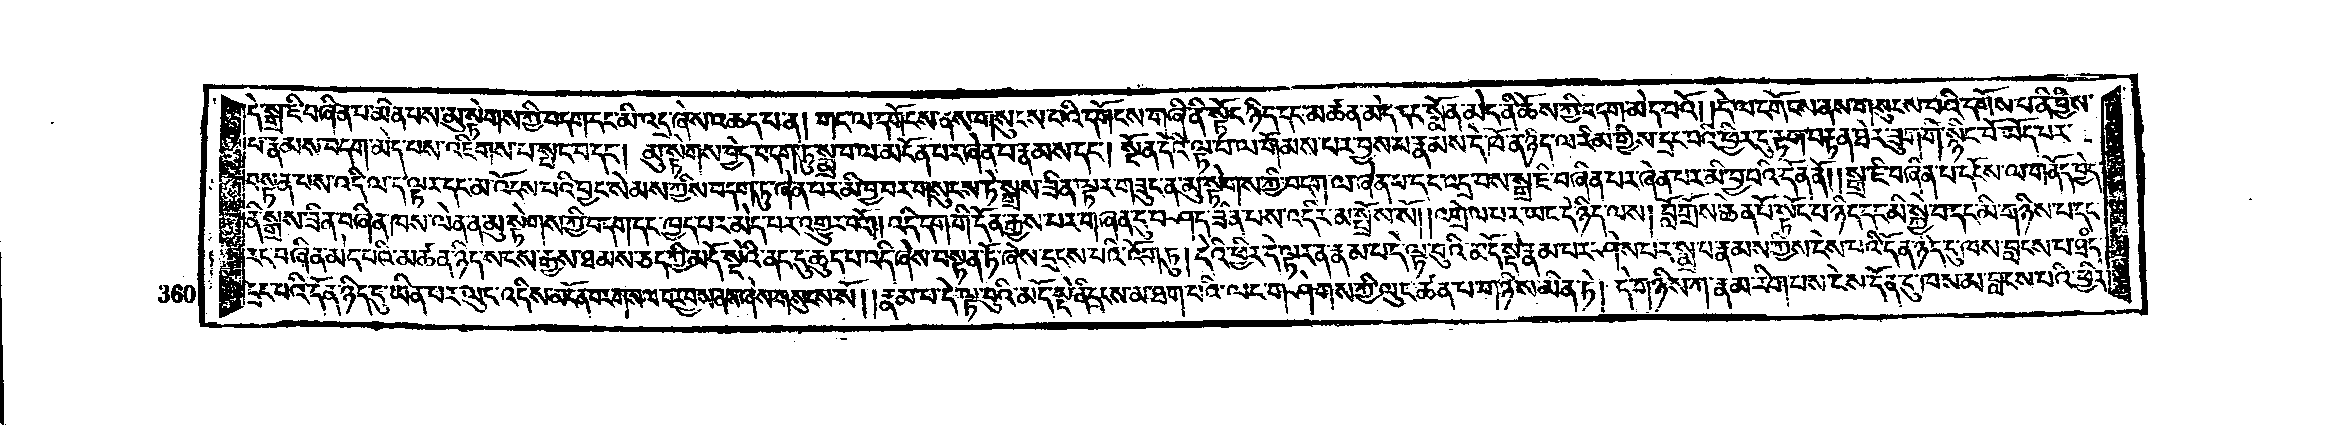དེ་སྒྲ་ཇི་བཞིན་པ་མིན་པས་མུ་སྟེགས་ཀྱི་བདག་དང་མི་འདྲ་ཞེས་འཆད་པ་ན། གང་ལ་དགོངས་ནས་གསུངས་པའི་དགོངས་གཞི་ནི་སྟོང་ཉིད་དང་མཚན་མེད་དང་སྨོན་མེད་ནི་ཆོས་ཀྱི་བདག་མེད་པའོ། །དེ་ལ་དགོངས་ནས་གསུངས་པའི་དགོས་པ་ནི་བྱིས་
པ་རྣམས་བདག་མེད་པས་འཇིགས་པ་སྤང་བ་དང་། མུ་སྟེགས་བྱེད་བདག་ཏུ་སྨྲ་བ་ལ་མངོན་པར་ཞེན་པ་རྣམས་དང་། སྔོན་དེའི་ལྟ་བ་ལ་གོམས་པར་བྱས་པ་རྣམས་དེ་ཁོ་ན་ཉིད་ལ་རིམ་གྱིས་དྲང་བའི་ཕྱིར་དུ་རྟག་བརྟན་ཐེར་ཟུག་གི་སྙིང་པོ་ཡོད་པར་
བསྟན་པས་འདི་ལ་ད་ལྟར་དང་མ་འོངས་པའི་བྱང་སེམས་ཀྱིས་བདག་ཏུ་ཞེན་པར་མི་བྱ་བར་གསུངས་ཏེ་སྒྲས་ཟིན་ལྟར་གཟུང་ན་མུ་སྟེགས་ཀྱི་བདག་ལ་ཞེན་པ་དང་འདྲ་བས་སྒྲ་ཇི་བཞིན་པར་ཞེན་པར་མི་བྱ་བའི་དོན་ནོ། །སྒྲ་ཇི་བཞིན་པ་དངོས་ལ་གནོད་བྱེད་
ནི་སྒྲས་ཟིན་བཞིན་ཁས་ལེན་ན་མུ་སྟེགས་ཀྱི་བདག་དང་ཁྱད་པར་མེད་པར་འགྱུར་བའོ། །འདི་དག་གི་དོན་རྒྱས་པར་གཞན་དུ་བཤད་ཟིན་པས་འདིར་མ་སྤྲོས་སོ། །འགྲེལ་པར་ཡང་དེ་ཉིད་ལས། བློ་གྲོས་ཆེན་པོ་སྟོང་པ་ཉིད་དང་མི་སྐྱེ་བ་དང་མི་གཉིས་པ་དང་
རང་བཞིན་མེད་པའི་མཚན་ཉིད་སངས་རྒྱས་ཐམས་ཅད་ཀྱི་མདོ་སྡེའི་ནང་དུ་ཆུད་པ་འདི་ཞེས་བསྟན་ཏོ་ཞེས་དྲངས་པའི་འོག་ཏུ། དེའི་ཕྱིར་དེ་ལྟར་ན་རྣམ་པ་དེ་ལྟ་བུའི་མདོ་སྡེ་རྣམ་པར་ཤེས་པར་སྨྲ་པ་རྣམས་ཀྱིས་ངེས་པའི་དོན་ཉིད་དུ་ཁས་བླངས་པ་ཐམས་ཅད་
དྲང་པའི་དོན་ཉིད་དུ་ཡིན་པར་ལུང་འདིས་མངོན་པར་གསལ་བར་བྱས་ནས་ཞེས་གསུངས་སོ། །རྣམ་པ་དེ་ལྟ་བུའི་མདོ་སྡེ་ནི་དྲངས་མ་ཐག་པའི་ལང་གཤེགས་ཀྱི་ལུང་ཚན་པ་གཉིས་མིན་ཏེ། དེ་གཉིས་ཀ་རྣམ་རིག་པས་ངེས་དོན་དུ་ཁས་མ་བླངས་པའི་ཕྱིར་